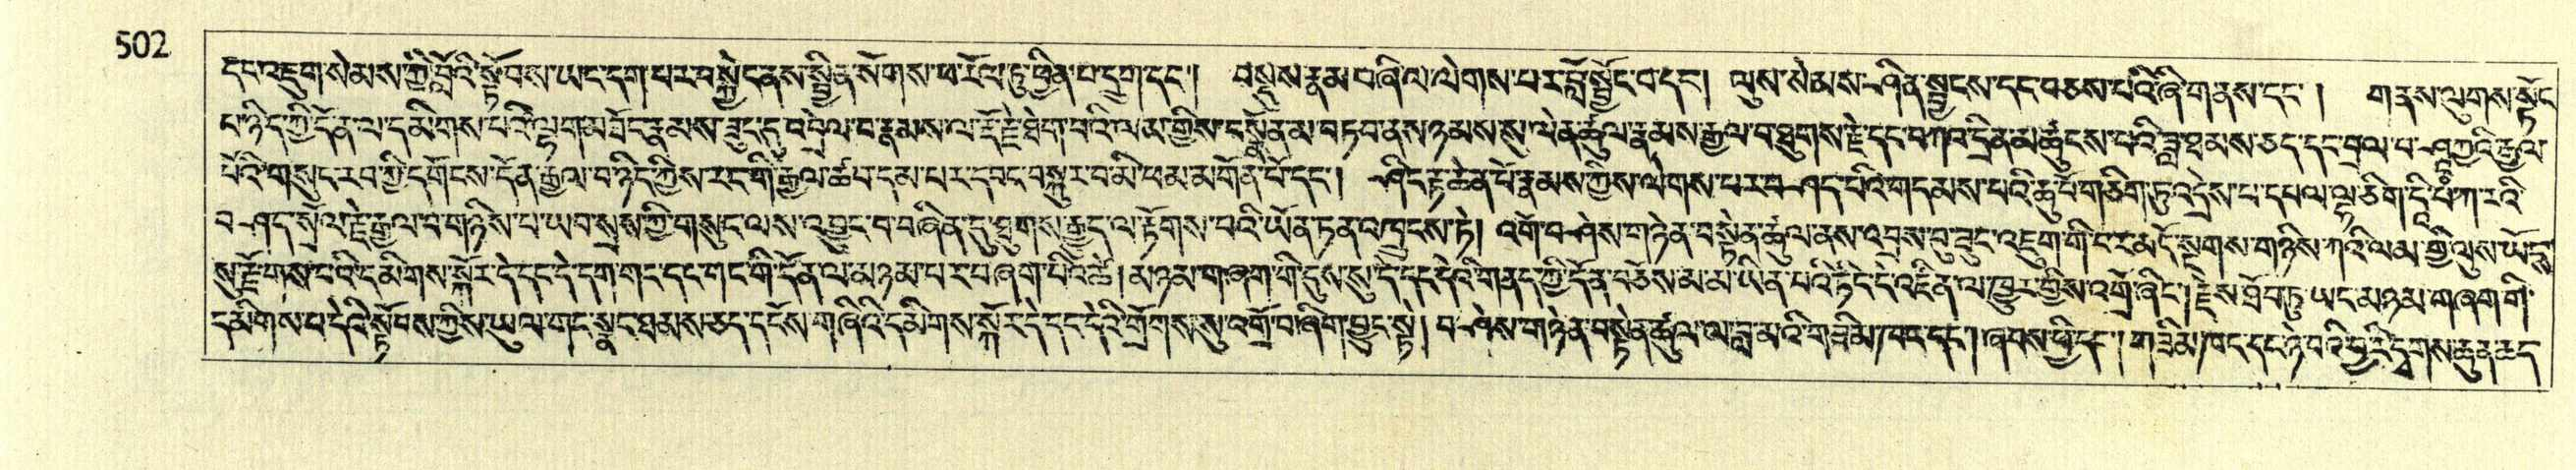དང་འཇུག་སེམས་ཀྱི་བློའི་སྟོབས་ཡང་དག་པར་བསྐྱེད་ནས་སྦྱིན་སོགས་ཕ་རོལ་ཏུ་ཕྱིན་པ་དྲུག་དང་། བསྡུས་རྣམ་བཞི་ལ་ལེགས་པར་བློ་སྦྱོང་བ་དང་། ལུས་སེམས་ཤིན་སྦྱངས་དང་བཅས་པའི་ཞིག་ནས་དང་། གནས་ལུགས་སྟོང་
པ་ཉིད་ཀྱི་དོན་ལ་དམིགས་པའི་ལྷག་མཐོང་རྣམས་ཟུང་དུ་འབྲེལ་བ་རྣམས་ལ་རྡོ་རྗེ་ཐེག་པའི་ལམ་གྱིས་བསྣོན་མ་བཏབ་ནས་ཉམས་སུ་ལེན་ཚུལ་རྣམས་རྒྱལ་བ་ཐུགས་རྗེ་དང་བཀའ་དྲིན་མཚུངས་པའི་ཟླ་ཐམས་ཅད་དང་བྲལ་བ་ཤཱཀྱའི་རྒྱལ་
པོའི་གསུང་རབ་ཀྱི་དགོངས་དོན་རྒྱལ་བ་ཉིད་ཀྱིས་རང་གི་རྒྱལ་ཚབ་དམ་པར་དབང་བསྐུར་བ་མི་ཕམ་མགོན་པོ་དང་། ཤིང་རྟ་ཆེན་པོ་རྣམས་ཀྱིས་ལེགས་པར་བཤད་པའི་གདམས་པའི་ཆུ་པོ་གཅིག་ཏུ་འདྲེས་པ་དཔལ་ལྷ་ཅིག་འདི་པཾ་ཀ་རའི་
བཤད་སྲོལ་རྗེ་རྒྱལ་བ་གཉིས་པ་ཡབ་སྲས་ཀྱི་གསུང་ལས་འབྱུང་བཞིན་དུ་ཐུགས་རྒྱུད་ལ་རྟོགས་པའི་ཡོན་ཏན་འཁྲུངས་ཏེ། འགོ་བཤེས་གཉེན་བསྟེན་ཚུལ་ནས་འབྲས་བུ་ཟུང་འཇུག་གི་བར་མདོ་སྔགས་གཉིས་ཀའི་ལམ་གྱི་ལུས་ཡོངས་
སུ་རྫོགས་བའི་དམིགས་སྐོར་དེ་དང་དེ་དག་གང་དང་གང་གི་དོན་ལ་མཉམ་པར་བཞག་པའི་ཚེ། མཉམ་གཞག་གི་དུས་སུ་དེ་དང་དེའི་གནད་ཀྱི་དོན་བཅོས་མ་མ་ཡིན་པའི་ཏིང་ངེ་འཛིན་ལ་ཁྱུར་གྱིས་འགྲོ་ཞིང་། རྗེས་ཐོབ་ཏུ་ཡང་མཉམ་གཞག་གི་
དམིགས་པ་དེའི་སྟོབས་ཀྱིས་ཡུལ་གང་སྣང་ཐམས་ཅད་དངོས་གཞིའི་དམིགས་སྐོར་དེ་དང་དེའི་གྲོགས་སུ་འགྲོ་བ་ཞིག་བྱུང་སྟེ། བཤེས་གཉེན་བསྟེན་ཚུལ་ལ་བླ་མའི་གཟིམ་ཁང་དང་། ཞབས་ཕྱི་དང་། །གཟིམ་ཁང་དང་ཉེ་བའི་བྱ་རི་དྭགས་ཆུན་ཆད་